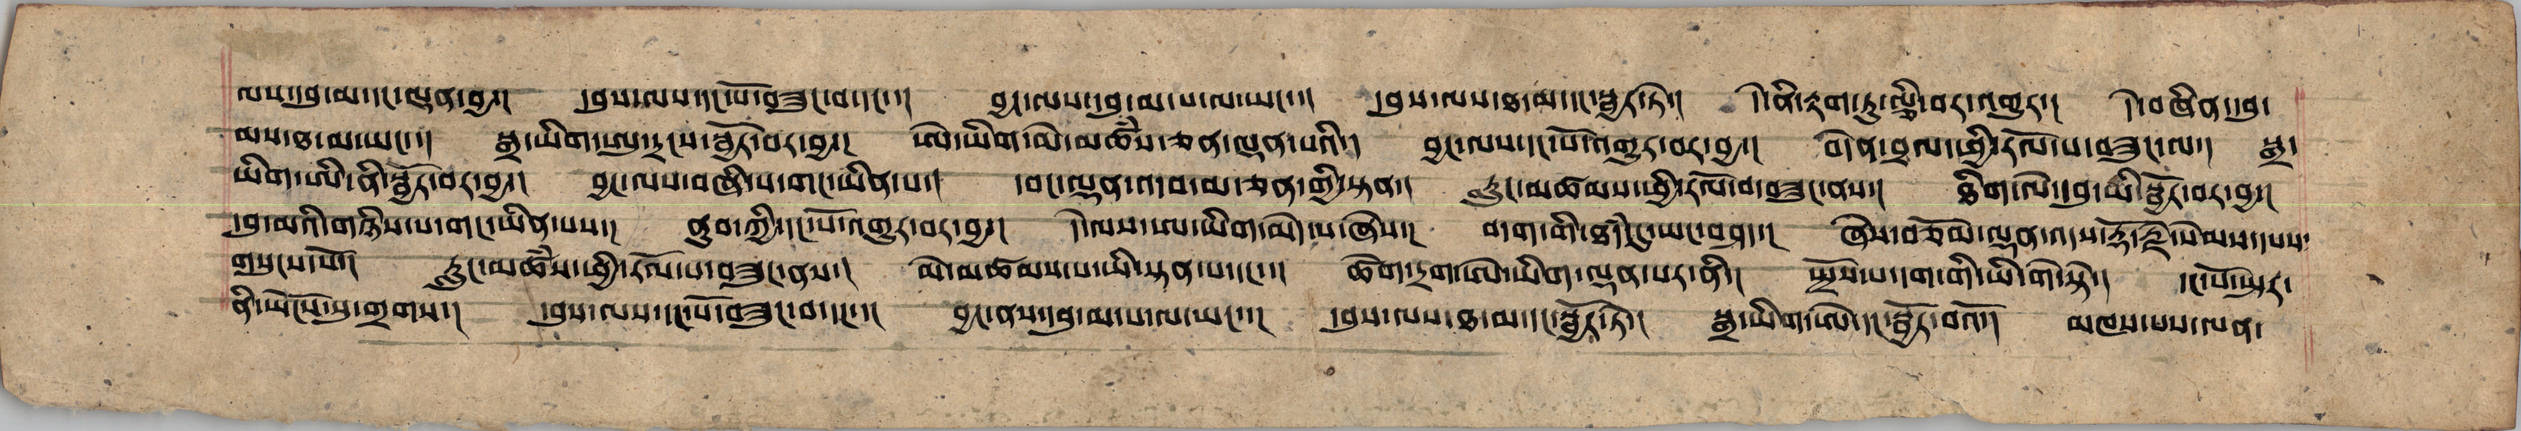ལས་དབུ་མ་དང་ལྡན་བྱ་། དབུས་ལས་དང་པོ་བཟུང་བ་དང་་། བྱང་ལས་དབུ་མ་པ་ལ་ཡང་་། དབུས་ལས་ཐ་མ་དང་སྦྱར་ཏེ་། དེ་ནི་རྟག་ཏུ་ལྕི་བར་འགྱུར་། དེ་བཞིན་དབུ་
མས་ཐ་མ་ཡང་་། སྒྲ་ཡིག་ཨུ་དྲངས་སྦྱོར་བར་བྱ་། ཨེ་ཡིག་མེ་མཚཾས་ཅན་ལྡན་པའི་། བྱང་ལས་དང་པཽ་འགྱུར་བར་བྱ་། བདེན་བྲལ་ཕྱི་རོལ་པ་བཟུང་ལ་། སྒྲ་
ཡིག་ཨི་ནི་སྦྱོར་བར་བྱ་། བྱང་ལས་བཞི་པ་གང་ཡིན་པ་། དབང་ལྡན་འདབ་མ་ཅན་གྱི་སྟན་། རླུང་མཚམས་ཕྱི་རོལ་བ་བཟུང་ནས་། ཐིག་ལེ་དབུ་མི་སྦྱོར་བར་བྱ་།
དབུ་མའི་གཉིས་པ་གང་ཡིན་པས་། ནུབ་ཀྱི་དང་པོ་འགྱུར་བར་བྱ་། དེ་ལས་ཨ་ཡིག་མེད་པ་ཞེས་། བདག་གི་ཐཾད་དུ་ཡང་བཤད་། ཞེས་བཅོམ་ལྡན་འདས་རྡོ་རྗེ་སེམས་དཔས་
གསུངས་སོ་། རླུང་མཚཾས་ཕྱི་རོལ་པ་བཟུང་ནས་། མེ་མཚམས་པ་ཡི་སྟན་པ་དང་་། ཚེག་དྲག་ཨེ་ཡིག་ལྡན་པར་ནི་། སྤྲོས་པ་དག་གི་ཡི་གེ་སྟེ་། དང་པོ་སྤར་
ནི་ཡོངས་སུ་གྲགས་། དབུས་ལས་དང་པོ་བཟུང་བ་དང་་། བྱང་ནས་དབུ་མ་པ་ལ་ཡང་་། དབུས་ལས་ཐ་མ་དང་སྦྱོར་ཏེ་། སྒྲ་ཡིག་ཨེ་དང་སྦྱོར་བའོ་། མཁས་པས་ལན་